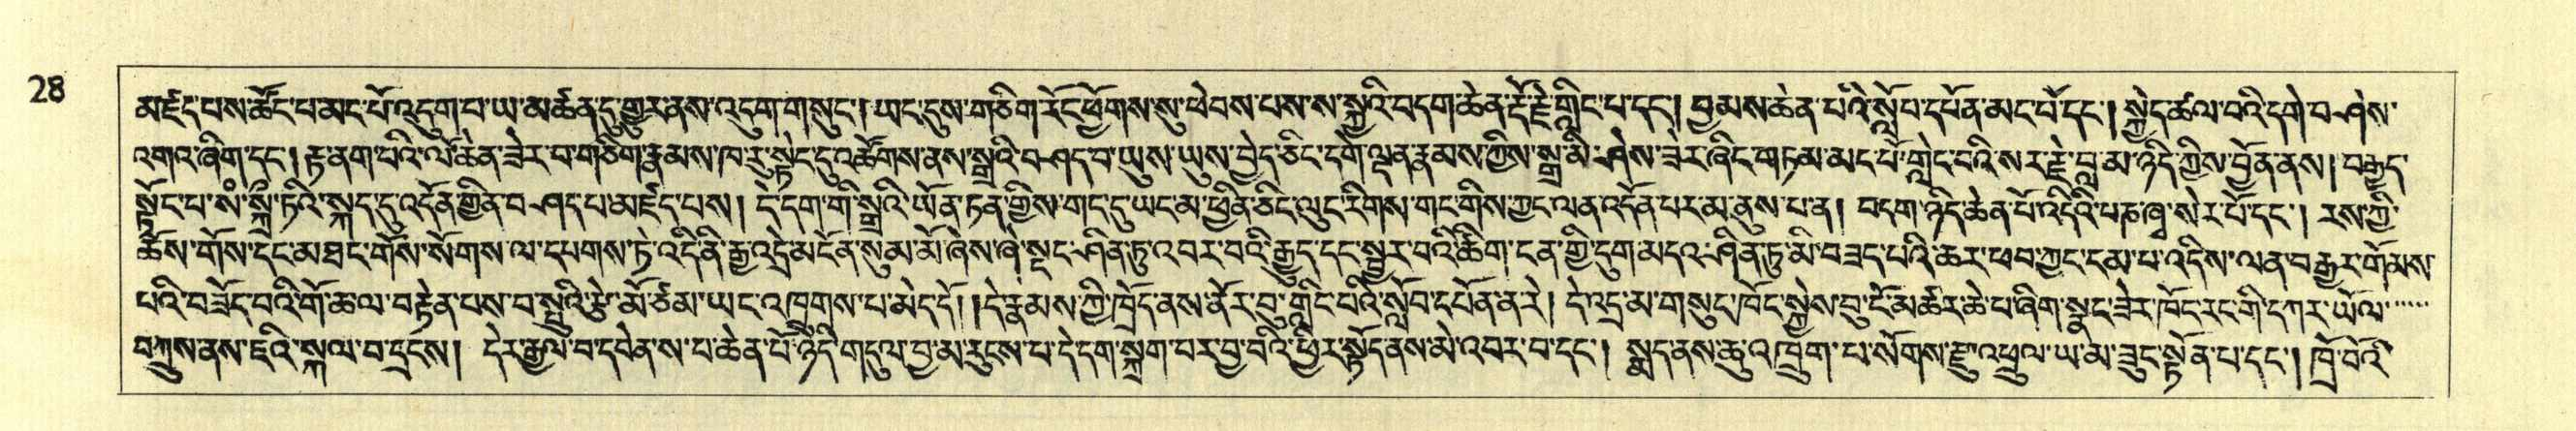མཛད་པས་ཚོང་པ་མང་པོ་འདུག་པ་ཡ་མཚན་དུ་གྱུར་ནས་འདུག་གསུང་། ཡང་དུས་གཅིག་རོང་ཕྱོགས་སུ་ཕེབས་པས་ས་སྐྱའི་བདག་ཆེན་རྡོ་རྗེ་གླིང་པ་དང་། བྱམས་ཆེན་པའི་སློབ་དཔོན་མང་པོ་དང་། སྐྱེད་ཚལ་བའི་དགེ་བཤེས་
འགའ་ཞིག་དང་། རྟ་ནག་པའི་ལོ་ཆེན་ཟེར་བ་གཅིག་རྣམས་ཁ་རུ་སྟེང་དུ་འཚོགས་ནས་སྒྲའི་བཤད་བ་ཡུས་ཡུས་བྱེད་ཅིང་དགེ་ལྡན་རྣམས་ཀྱིས་སྒྲ་མི་ཤེས་ཟེར་ཞིང་གཏམ་མང་པོ་གླེང་བའི་སར་རྗེ་བླ་མ་ཉིད་ཀྱིས་བྱོན་ནས། བརྒྱད་
སྟོང་པ་སཾ་སྐྲྀ་ཏའི་སྐད་དུ་འདོན་གྱིན་བཤད་པ་མཛད་པས། དེ་དག་གི་སྒྲའི་ཡོན་ཏན་གྱིས་གང་དུ་ཡང་མ་ཕྱིན་ཅིང་ལུང་རིགས་གང་གིས་ཀྱང་ལན་འདོན་པར་མ་ནུས་པ་ན། བདག་ཉིད་ཆེན་པོ་འདིའི་པཎ་ཞྭ་སེར་པོ་དང་། རས་ཀྱི་
ཆོས་གོས་དང་མཐང་གོས་སོགས་ལ་དཔགས་ཏེ་འདི་ནི་རྒྱ་འདྲེ་མངོན་སུམ་མོ་ཞེས་ཞེ་སྡང་ཤིན་ཏུ་འབར་བའི་རྒྱུད་དང་སྦྱར་བའི་ཚིག་ངན་གྱི་དུག་མདའ་ཤིན་ཏུ་མི་བཟད་པའི་ཆར་ཕབ་ཀྱང་དམ་པ་འདིས་ལན་བརྒྱར་གོམས་
པའི་བཟོད་པའི་གོ་ཆ་ལ་བརྟེན་པས་བ་སྤུའི་རྩེ་མོ་ཙམ་ཡང་འཁྲུགས་པ་མེད་དོ། །དེ་རྣམས་ཀྱི་ཁྲོད་ནས་ནོར་བུ་གླིང་པའི་སློབ་དཔོན་ན་རེ། དེ་འདྲ་མ་གསུང་ཁོང་སྐྱེས་བུ་ངོ་མཚར་ཆེ་པ་ཞིག་སྣང་ཟེར་ཁོང་རང་གི་དཀར་ཡོལ་
བཀྲུས་ནས་ཇའི་སྐལ་བ་དྲངས། དེར་རྒྱལ་བ་དབེན་ས་པ་ཆེན་པོ་ཉིད་གདུལ་བྱ་མ་རུངས་པ་དེ་དག་སྐྲག་པར་བྱ་བའི་ཕྱིར་སྟོད་ནས་མེ་འབར་བ་དང་། སྨད་ནས་ཆུ་འཁྲུག་པ་སོགས་རྫུ་འཕྲུལ་ཡ་མ་ཟུང་སྟོན་པ་དང་། ཁྲོ་བོའི་